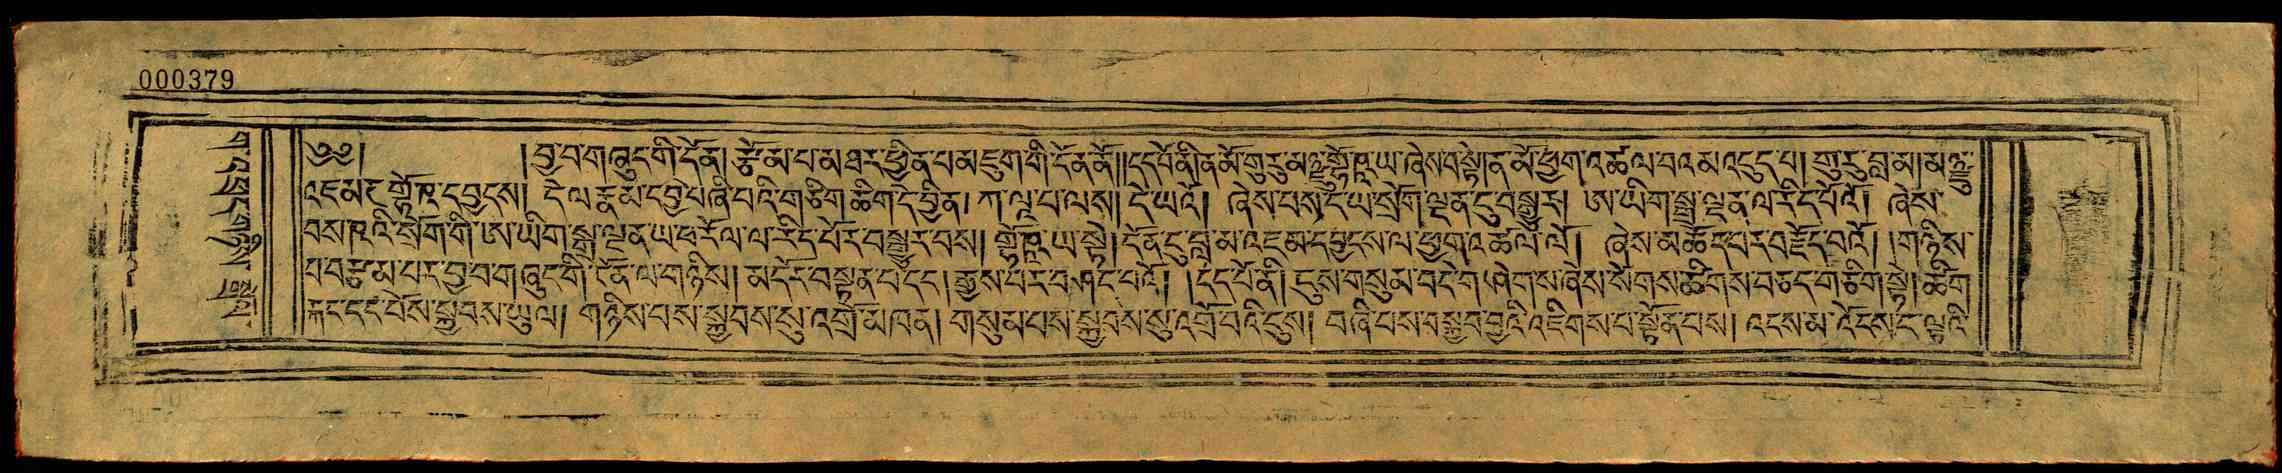༄༅། །བྱ་བ་གཞུང་གི་དོན། རྩོམ་པ་མཐར་ཕྱིན་པ་མཇུག་གི་དོན་ནོ། །དང་པོ་ནི། ན་མོ་གུ་རུ་མཉྫུ་གྷོ་ཥཱ་ཡ་ཞེས་པ་སྟེ། ན་མོ་ཕྱག་འཚལ་བའམ་འདུད་པ། གུ་རུ་བླ་མ། མཉྫུ་འཇམ། གྷོ་ཥ་དབྱངས། དེ་ལ་རྣམ་དབྱེ་བཞི་པའི་གཅིག་ཚིག་དེ་བྱིན། ཀ་ལཱ་པ་ལས། དེ་ཡའོ། ཞེས་པས་དེ་ཡ་སྲོག་ལྡན་དུ་བསྒྱུར། ཨ་ཡིག་སྒྲ་ལྡན་ལ་རིང་པོའོ། ཞེས་
བས་ཥའི་སྲོག་གི་ཨ་ཡིག་སྒྲ་ལྡན་ཡ་ཕ་རོལ་ལ་རིང་པོར་བསྒྱུར་བས། གྷོ་ཥཱ་ཡ་སྟེ། དོན་དུ་བླ་མ་འཇམ་དབྱངས་ལ་ཕྱག་འཚལ་ལོ། །ཞེས་མཆོད་པར་བརྗོད་པའོ། །གཉིས་
པ་བརྩམ་པར་བྱ་བ་གཞུང་གི་དོན་ལ་གཉིས། མདོར་བསྟན་པ་དང་། རྒྱས་པར་བཤད་པའོ། །དང་པོ་ནི། དུས་གསུམ་བདེ་གཤེགས་ཞེས་སོགས་ཚིགས་བཅད་གཅིག་སྟེ། ཚིག་
རྐང་དང་པོས་སྐྱབས་ཡུལ། གཉིས་པས་སྐྱབས་སུ་འགྲོ་མཁན། གསུམ་པས་སྐྱབས་སུ་འགྲོ་བའི་དུས། བཞི་པས་བསྐྱབ་བྱའི་འཇིགས་པ་སྟོན་པས། འདས་མ་འོངས་ད་ལྟའི་